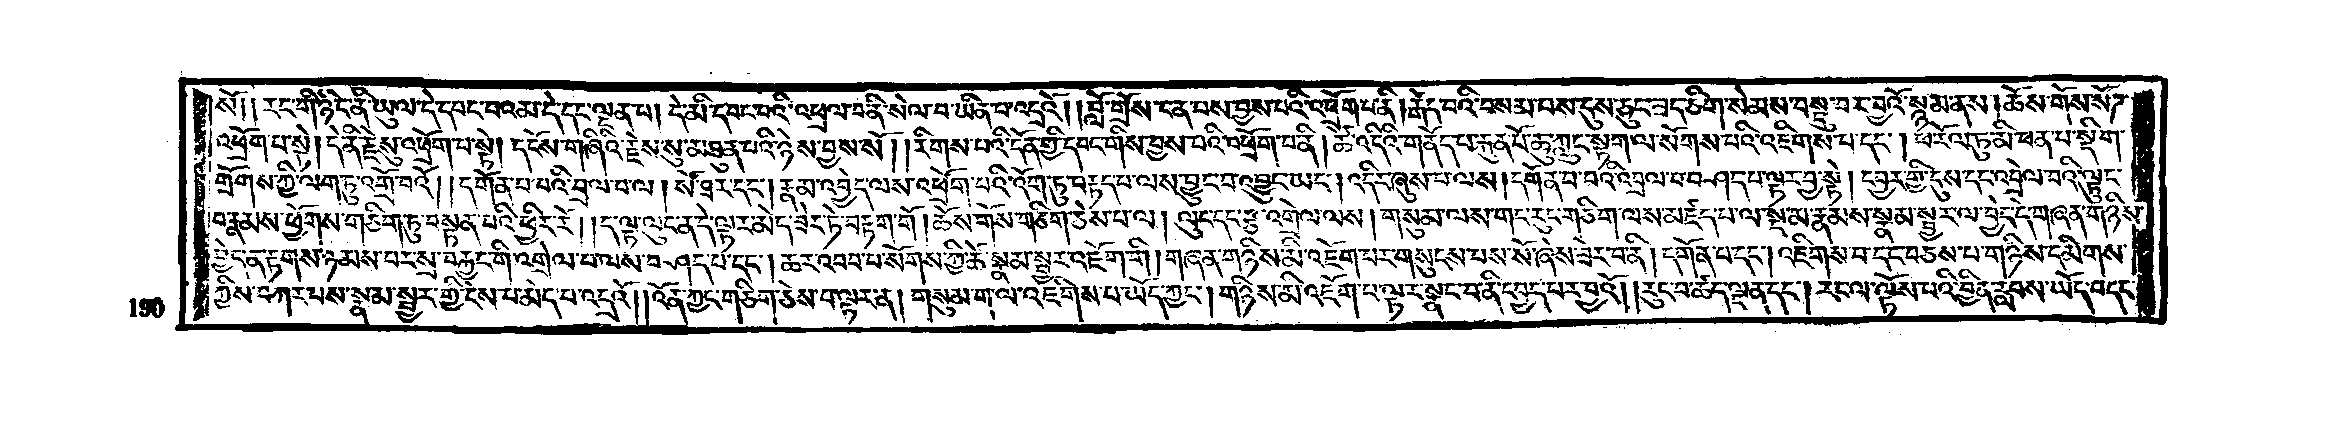སོ། །རང་གི་ཉིད་ནི་ཡུལ་དེ་དབང་བའམ་དེ་དང་ལྡན་པ། དེ་མི་དབང་བའི་འཕྲལ་བ་ནི་སེལ་བ་ཡིན་པ་འདྲའོ། །བློ་གྲོས་ངན་པས་བྱས་པའི་འཕྲོག་པ་ནི། རྒོད་པའི་བསམ་པས་དུས་ཅུང་ཟད་ཅིག་སེམས་བསྡུ་བར་བྱའོ་སྙམ་ནས། ཆོས་གོས་སོགས་
འཕྲོག་པ་སྟེ། དེ་ནི་རྗེས་སུ་འཕྲོག་པ་སྟེ། དངོས་གཞིའི་རྗེས་སུ་མཐུན་པའི་ཉེས་བྱས་སོ། །རིགས་པའི་དོན་གྱི་དབང་གིས་བྱས་པའི་འཕྲོག་པ་ནི། ཚེ་འདིའི་གནོད་པ་རྐུན་པོ་ཆུ་ཀླུང་སྟག་ལ་སོགས་པའི་འཇིགས་པ་དང་། ཕ་རོལ་ཏུ་མི་ཕན་པ་སྡིག་
གྲོགས་ཀྱི་ལག་ཏུ་འགྲོ་བའོ། །དགོན་པ་པའི་བྲལ་བ་ལ། སོ་ཐར་དང་། རྣམ་འབྱེད་ལས་འཕྲོག་པའི་འོག་ཏུ་བརྟད་པ་ལས་བྱུང་བ་འབྱུང་ཡང་། འདིར་ཞུས་པ་ལས། དགོན་པ་པའི་འབྲལ་བ་བཤད་པ་ལྟར་བྱ་སྟེ། དབྱར་གྱི་དུས་དང་འབྲེལ་བའི་ལྟུང་
བ་རྣམས་ཕྱོགས་གཅིག་ཏུ་བསྟན་པའི་ཕྱིར་རོ། །ད་ལྟ་ལུང་ན་དེ་ལྟར་མེད་ཟེར་ཏེ་བརྟག་གོ །ཆོས་གོས་གཅིག་ཅེས་པ་ལ། ལུང་དང་རྩ་འགྲེལ་ལས། གསུམ་ལས་གང་རུང་གཅིག་ལས་མཛད་པ་ལ་སྔ་མ་རྣམས་སྣམ་སྦྱར་ལ་བྱེད་དེ་གཞན་གཉིས་
བྱེད་ན་རྟགས་ཉམས་པར་སྲ་བརྐྱང་གི་འགྲེལ་པ་ལས་བཤད་པ་དང་། ཆར་འབབ་པ་སོགས་ཀྱི་ཚེ་སྣམ་སྦྱར་འཇོག་གི །གཞན་གཉིས་མི་འཇོག་པར་གསུངས་པས་སོ་ཞེས་ཟེར་བ་ནི། དགོན་པ་དང་། འཇིགས་པ་དང་བཅས་པ་གཉིས་དམིགས་
ཀྱིས་བཀར་བས་སྣམ་སྦྱར་གྱི་ངེས་པ་མེད་པ་འདྲའོ། །འོན་ཀྱང་གཅིག་ཅེས་པ་ལྟར་ན། གསུམ་ག་ལ་འཇིགས་པ་ཡོད་ཀྱང་། གཉིས་མི་འཇོག་པ་ལྟར་སྣང་བ་ནི་དཔྱད་པར་བྱའོ། །རུང་བ་ཚད་ལྡན་དང་། རང་ལ་ལྟོས་པའི་བྱིན་རླབས་ཡོད་པ་དང་